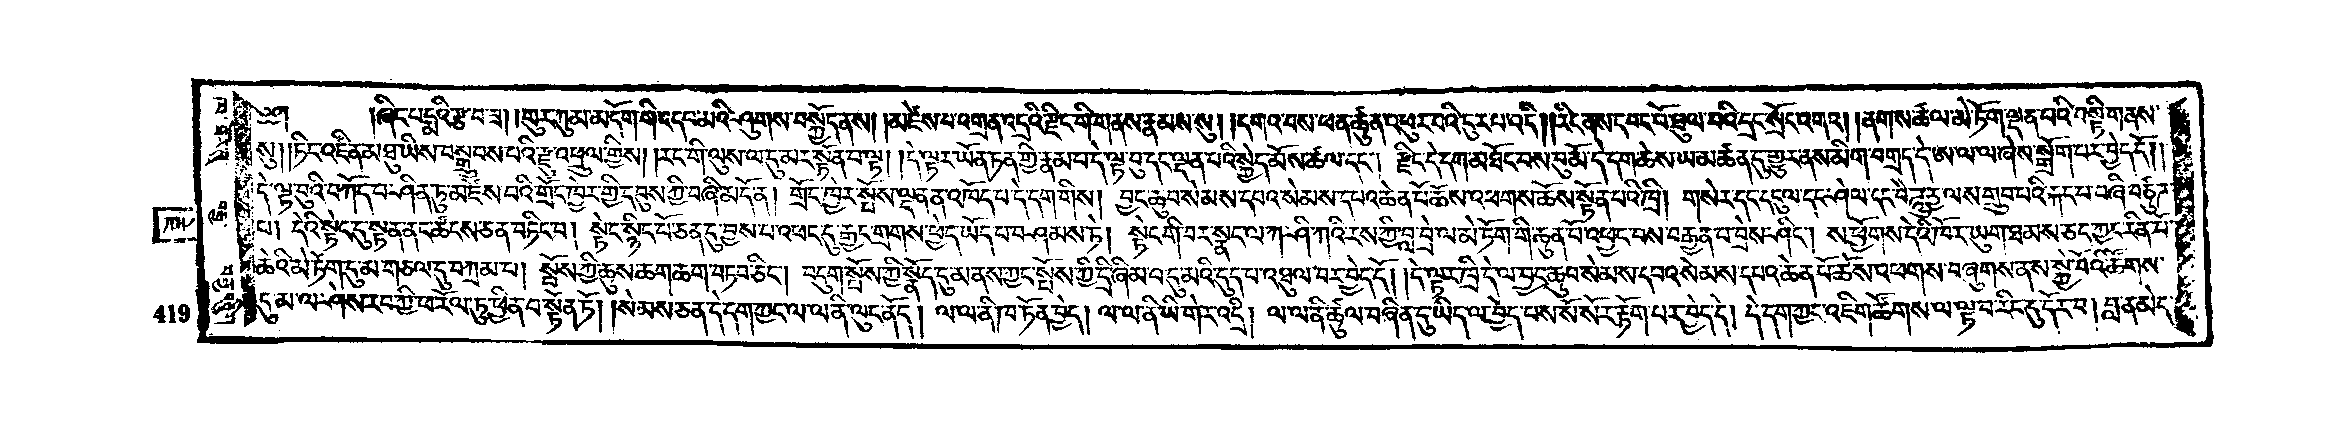༄༅། །ཞིང་པདམའི་རྩ་བ་ཟ། །གུར་ཀུམ་མདོག་གི་འདབ་མའི་ཤུགས་བསྐྱོད་ནས། །མཛེས་པ་འགྲན་འདྲའི་རྫིང་གི་གནས་རྣམས་སུ། །དགའ་བས་ཕན་ཚུན་འཕུར་བའི་ངུར་པ་འདི། །རིང་ནས་དབང་པོ་ཐུལ་བའི་དྲང་སྲོང་འགའ། །ནགས་ཚལ་མེ་ཏོག་ལྡན་པའི་བསྟི་གནས་
སུ། །ཏིང་འཛིན་མཐུ་ཡིས་བསྒྲུབས་པའི་རྫུ་འཕྲུལ་གྱིས། །རང་གི་ལུས་ལ་དུ་མར་སྟོན་པ་ལྟ། །དེ་ལྟར་ཡོན་ཏན་གྱི་རྣམ་པ་དེ་ལྟ་བུ་དང་ལྡན་པའི་སྐྱེད་མོས་ཚལ་དང་། རྫིང་དེ་དག་མཐོང་བས་བུ་མོ་དེ་དག་ཆེས་ཡ་མཚན་དུ་གྱུར་ནས་མིག་བགྲད་དེ་ཨ་ལ་ལ་ཞེས་སྒྲོག་པར་བྱེད་དོ། །
དེ་ལྟ་བུའི་བཀོད་པ་ཤིན་ཏུ་མཛེས་པའི་གྲོང་ཁྱེར་གྱི་དབུས་ཀྱི་བཞི་མདོ་ན། གྲོང་ཁྱེར་སྤོས་ལྡན་ན་འཁོད་པ་དེ་དག་གིས། བྱང་ཆུབ་སེམས་དཔའ་སེམས་དཔའ་ཆེན་པོ་ཆོས་འཕགས་ཆོས་སྟོན་པའི་ཁྲི། གསེར་དང་དངུལ་དང་ཤེལ་དང་བཻ་ཌཱུརྱ་ལས་གྲུབ་པའི་རྐང་པ་བཞི་བཙུགས་
པ། དེའི་སྟེང་དུ་སྟན་ནང་ཚངས་ཅན་བཏིང་བ། སྟེང་སྙིང་པོ་ཅན་དུ་བྱས་པ་འཕང་དུ་རྒྱང་གྲགས་ཕྱེད་ཡོད་པ་བཤམས་ཏེ། སྟེང་གི་བར་སྣང་ལ་ཀ་ཤི་ཀའི་རས་ཀྱི་བླ་བྲེ་ལ་མེ་ཏོག་གི་ཆུན་པོ་འཕྱང་བས་བརྒྱན་པ་བྲེས་ཤིང་། ས་ཕྱོགས་དེའི་ཁོར་ཡུག་ཐམས་ཅད་ཀྱང་རིན་པོ་
ཆེའི་མེ་ཏོག་དུ་མ་གཅལ་དུ་བཀྲམ་པ། སྤོས་ཀྱི་ཆུས་ཆག་ཆག་བཏབ་ཅིང་། བདུག་སྤོས་ཀྱི་སྣོད་དུ་མ་ནས་ཀྱང་སྤོས་ཀྱི་དྲི་ཞིམ་པ་དུ་མའི་དུད་པ་འཐུལ་བར་བྱེད་དོ། །དེ་ལྟར་ཁྲི་དེ་ལ་བྱང་ཆུབ་སེམས་དཔའ་སེམས་དཔའ་ཆེན་པོ་ཆོས་འཕགས་བཞུགས་ནས་སྐྱེ་བོའི་ཚོགས་
དུ་མ་ལ་ཤེས་རབ་ཀྱི་ཕ་རོལ་ཏུ་ཕྱིན་པ་སྟོན་ཏོ། །སེམས་ཅན་དེ་དག་ཀྱང་ལ་ལ་ནི་ལུང་ནོད། ལ་ལ་ནི་ཁ་ཏོན་བྱེད། ལ་ལ་ནི་ཡི་གེར་འདྲི། ལ་ལ་ནི་ཚུལ་བཞིན་དུ་ཡིད་ལ་བྱེད་པས་སོ་སོར་རྟོག་པར་བྱེད་དེ། དེ་དག་ཀྱང་འཇིག་ཚོགས་ལ་ལྟ་བ་རིང་དུ་དོར་བ། བླ་ན་མེད་